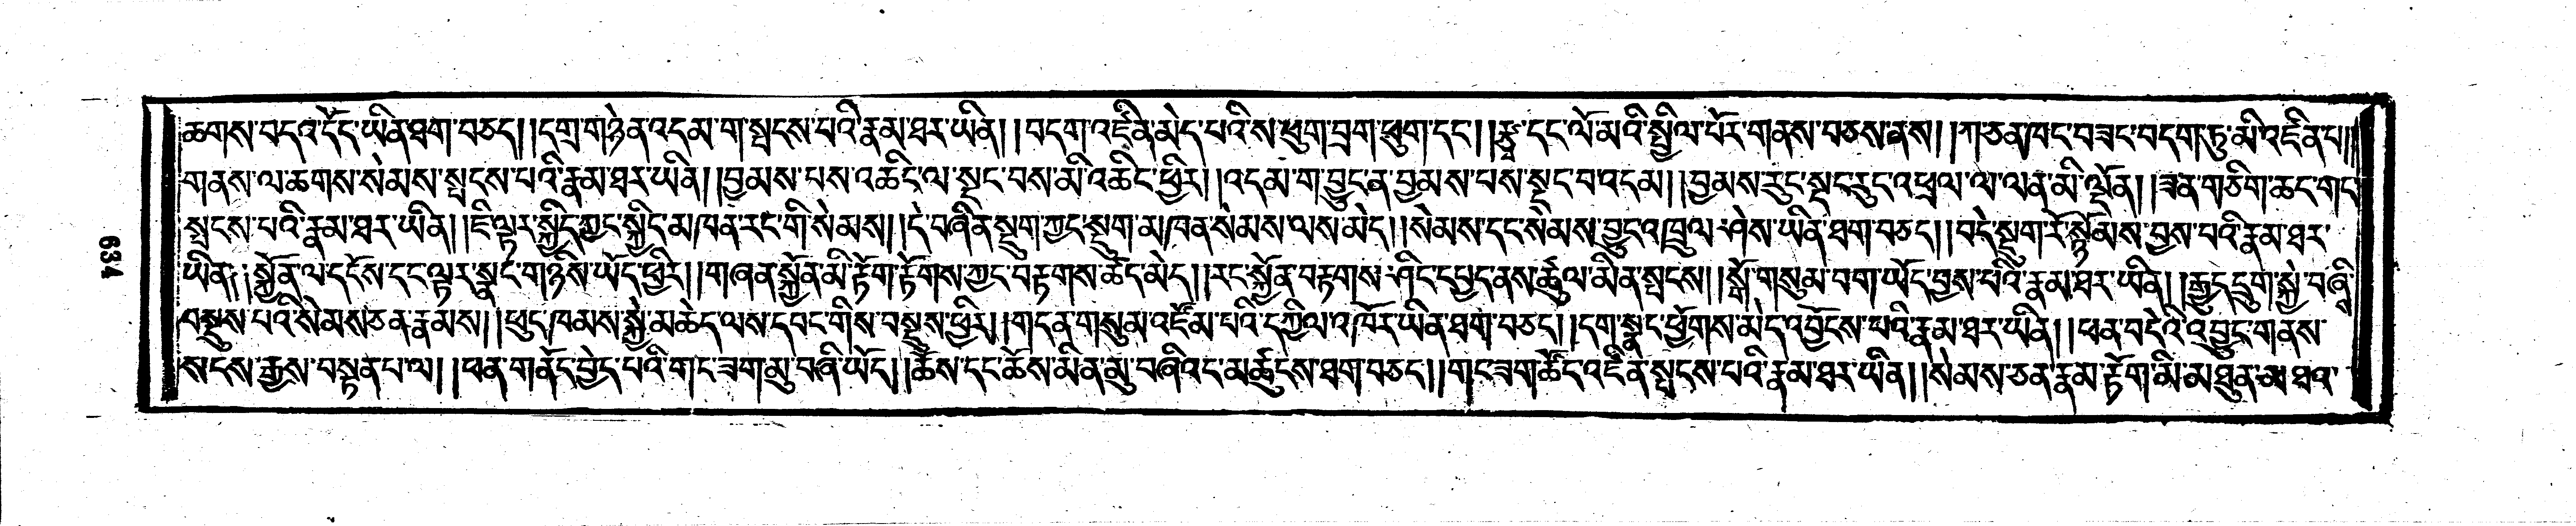ཆགས་བདའ་དོད་ཡིན་ཐག་བཅད། །དགྲ་གཉེན་འདམ་ག་སྤངས་པའི་རྣམ་ཐར་ཡིན། །བདག་འཛིན་མེད་པའི་ས་ཕུག་བྲག་ཕུག་དང་། །རྩྭ་དང་ལོ་མའི་སྤྱིལ་པོར་གནས་བཅས་ནས། །ཀ་ཅན་ཁང་བཟང་བདག་ཏུ་མི་འཛིན་པ།།
གནས་ལ་ཆགས་སེམས་སྤངས་པའི་རྣམ་ཐར་ཡིན། །བྱམས་པས་འཆིང་ལ་སྡང་བས་མི་འཆིང་ཕྱིར། །འདམ་ག་བྱུང་ན་བྱམས་པས་སྡང་བ་འདམ། །བྱམས་རུང་སྡང་རུང་འཕྲལ་ལ་ལན་མི་ལྡོན། །ཟན་གཅིག་ཆང་གང་
སྤངས་པའི་རྣམ་ཐར་ཡིན། །ཇི་ལྟར་སྐྱིད་ཀྱང་སྐྱིད་མཁན་རང་གི་སེམས། །དེ་བཞིན་སྡུག་ཀྱང་སྡུག་མཁན་སེམས་ལས་མེད། །སེམས་དང་སེམས་བྱུང་འཁྲུལ་ཤེས་ཡིན་ཐག་བཅད། །བདེ་སྡུག་རོ་སྙོམས་བྱས་པའི་རྣམ་ཐར་
ཡིན། །སྐྱོན་ལ་དངོས་དང་ལྟར་སྣང་གཉིས་ཡོད་ཕྱིར། །གཞན་སྐྱོན་མི་རྟོག་རྟོགས་ཀྱང་བརྟགས་ཚད་མེད། །རང་སྐྱོན་བརྟགས་ཤིང་དཔྱད་ནས་ཚུལ་མིན་སྤངས། །སྒོ་གསུམ་བག་ཡོད་བྱས་པའི་རྣམ་ཐར་ཡིན། །རྒྱུད་དྲུག་སྐྱེ་བཞིས་
བསྡུས་པའི་སེམས་ཅན་རྣམས། །ཕུང་ཁམས་སྐྱེ་མཆེད་ལས་དབང་གིས་བསྡུས་ཕྱིར། །གདན་གསུམ་འཛོམ་པའི་དཀྱིལ་འཁོར་ཡིན་ཐག་བཅད། །དག་སྣང་ཕྱོགས་མེད་འབྱོངས་པའི་རྣམ་ཐར་ཡིན། །ཕན་བདེའི་འབྱུང་གནས་
སངས་རྒྱས་བསྟན་པ་ལ། །ཕན་གནོད་བྱེད་པའི་གང་ཟག་མུ་བཞི་ཡོད། །ཆོས་དང་ཆོས་མིན་མུ་བཞིའང་མཚུངས་ཐག་བཅད། །གང་ཟག་ཚད་འཛིན་སྤངས་པའི་རྣམ་ཐར་ཡིན། །སེམས་ཅན་རྣམ་རྟོག་མི་མཐུན་མཐའ་